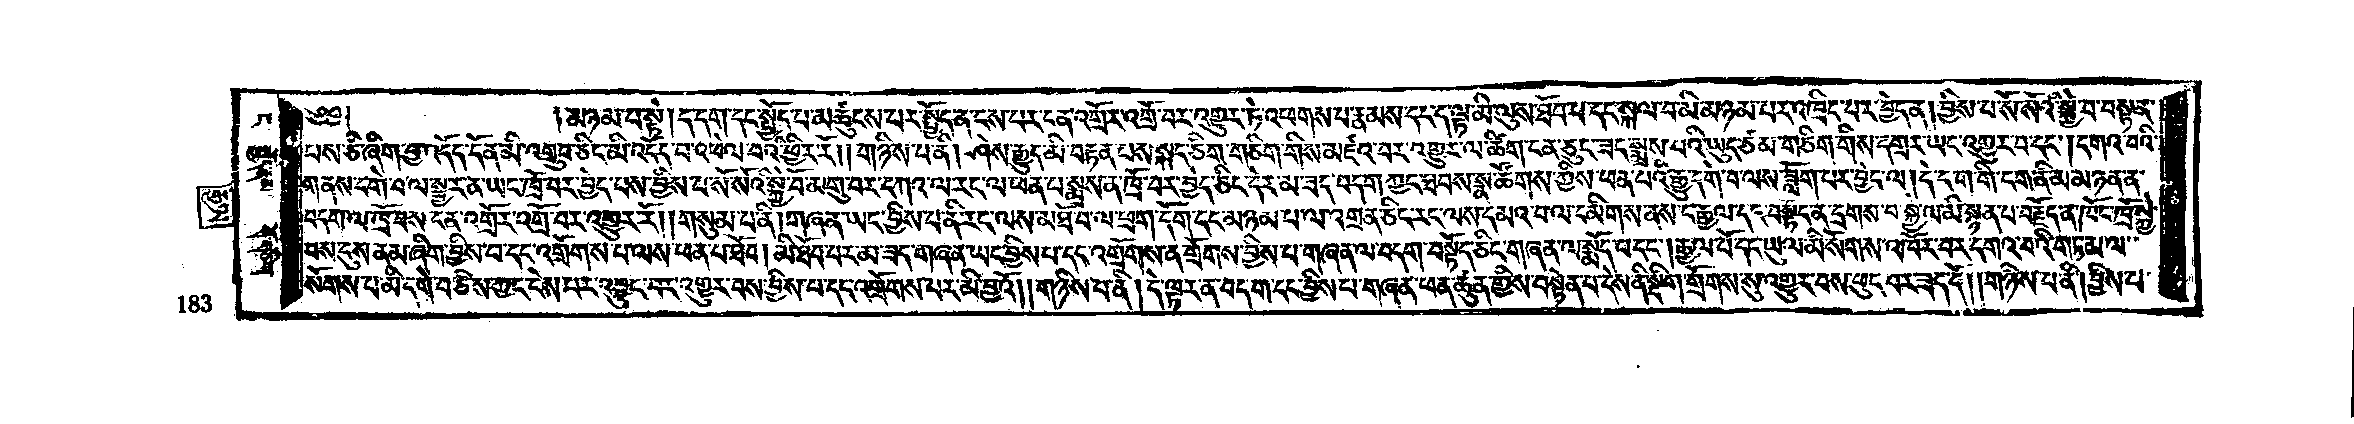༄༅། །མཉམ་པ་སྟེ། དེ་དག་དང་སྤྱོད་པ་མཚུངས་པར་སྤྱོད་ན་ངས་པར་ངན་འགྲོར་འགྲོ་བར་འགྱུར་ཏེ་འཕགས་པ་རྣམས་དང་ད་ལྟ་མི་ལུས་ཐོབ་པ་དང་སྐལ་པ་མི་མཉམ་པར་འཁྲིད་པར་བྱེད་ན། བྱིས་པ་སོ་སོའི་སྐྱེ་བ་བསྟན་
པས་ཅི་ཞིག་བྱ་འདོད་དོན་མི་འགྲུབ་ཅིང་མི་འདོད་པ་འཕེལ་བའི་ཕྱིར་རོ། །གཉིས་པ་ནི། ཤེས་རྒྱུད་མི་བརྟན་པས་སྐད་ཅིག་གཅིག་གིས་མཛའ་བར་འགྱུར་ལ་ཚིག་ངན་ཅུང་ཟད་སྨྲས་པའི་ཡུད་ཙམ་གཅིག་གིས་དགྲར་ཡང་འགྱུར་བ་དང་། དགའ་བའི་
གནས་དགེ་བ་ལ་སྦྱར་ན་ཡང་ཁྲོ་བར་བྱེད་པས་བྱིས་པ་སོ་སོའི་སྐྱེ་བ་མགུ་བར་དཀའ་ལ་རང་ལ་ཕན་པ་སྨྲས་ན་ཁྲོ་བར་བྱེད་ཅིང་དེར་མ་ཟད་བདག་ཀྱང་ཐབས་སྣ་ཚོགས་ཀྱིས་ཕན་པའི་རྒྱུ་དགེ་བ་ལས་ཟློག་པར་བྱེད་ལ། དེ་དག་གི་དག་ནི་མ་མཉན་ན་
བདག་ལ་ཁྲོ་བས་ངན་འགྲོར་འགྲོ་བར་འགྱུར་རོ། །གསུམ་པ་ནི། གཞན་ཡང་བྱིས་པ་ནི་རང་ལས་མཐོ་བ་ལ་ཕྲག་དོག་དང་མཉམ་པ་ལ་འགྲན་ཅིང་རང་ལས་དམའ་བ་ལ་དམིགས་ནས་ང་རྒྱལ་དང་བསྟོད་ན་དྲགས་པ་སྐྱེ་ལ་མི་སྙན་པ་བརྗོད་ན་ཁོང་ཁྲོ་སྐྱེ་
བས་དུས་ནམ་ཞིག་བྱིས་པ་དང་འགྲོགས་པ་ལས་ཕན་པ་ཐོབ། མི་ཐོབ་པར་མ་ཟད་གཞན་ཡང་བྱིས་པ་དང་འགྲོགས་ན་གྲོགས་བྱིས་པ་གཞན་ལ་བདག་བསྟོད་ཅིང་ཞན་ལ་སྨོད་པ་དང་། རྒྱལ་པོ་དང་ཡུལ་མི་སོགས་འཁོར་བར་དགའ་བའི་གཏམ་ལ་
སོགས་པ་མི་དགེ་བ་ཅིས་ཀྱང་ངེས་པར་འབྱུང་བར་འགྱུར་བས་བྱིས་པ་དང་འགྲོགས་པར་མི་བྱའོ། །གཉིས་པ་ནི། དེ་ལྟར་ན་བདག་དང་བྱིས་པ་གཞན་ཕན་ཚུན་གྱིས་བསྟེན་པ་དེས་ནི་སྡིག་གྲོགས་སུ་འགྱུར་བས་ཕུང་བར་ཟད་དོ། །གཉིས་པ་ནི། བྱིས་པ་